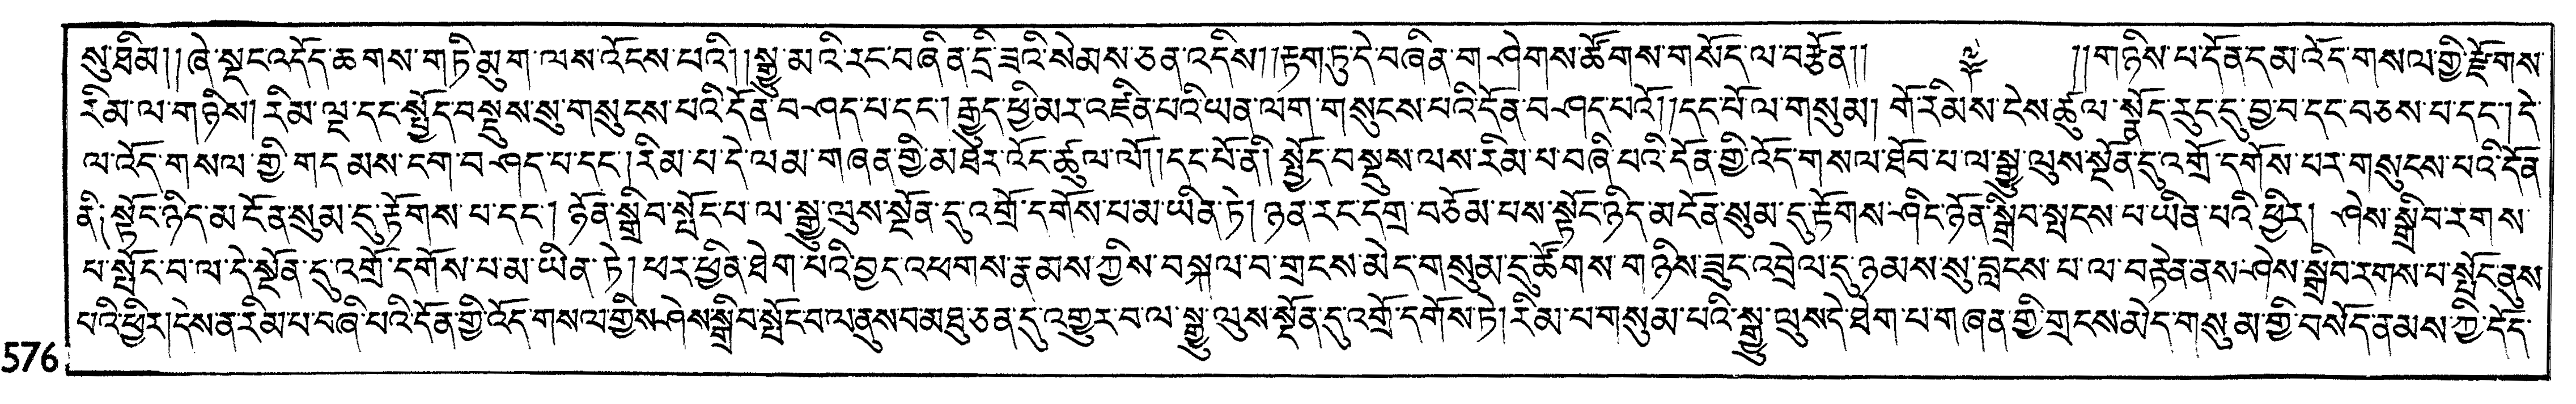སུ་ཐིམ། །ཞེ་སྡང་འདོད་ཆགས་གཏི་མུག་ལས་འོངས་པའི། །སྒྱུ་མའི་རང་བཞིན་དྲི་ཟའི་སེམས་ཅན་འདིས། །རྟག་ཏུ་དེ་བཞིན་གཤེགས་ཚོགས་གསོད་ལ་བརྩོན།། ༈ །།གཉིས་པ་དོན་དམ་འོད་གསལ་གྱི་རྫོགས་
རིམ་ལ་གཉིས། རིམ་ལྔ་དང་སྤྱོད་བསྡུས་སུ་གསུངས་པའི་དོན་བཤད་པ་དང་། རྒྱུད་ཕྱི་མར་འཛིན་པའི་ཡན་ལག་གསུངས་པའི་དོན་བཤད་པའོ། །དང་པོ་ལ་གསུམ། གོ་རིམས་ངེས་ཚུལ་སྣོད་རུང་དུ་བྱ་བ་དང་བཅས་པ་དང་། དེ་
ལ་འོད་གསལ་གྱི་གདམས་ངག་བཤད་པ་དང་། རིམ་པ་དེ་ལམ་གཞན་གྱི་མཐར་འོང་ཚུལ་ལོ། །དང་པོ་ནི། སྤྱོད་བསྡུས་ལས་རིམ་པ་བཞི་པའི་དོན་གྱི་འོད་གསལ་ཐོབ་པ་ལ་སྒྱུ་ལུས་སྔོན་དུ་འགྲོ་དགོས་པར་གསུངས་པའི་དོན་
ནི༑ སྟོང་ཉིད་མངོན་སུམ་དུ་རྟོགས་པ་དང་། ཉོན་སྒྲིབ་སྤོང་པ་ལ་སྒྱུ་ལུས་སྔོན་དུ་འགྲོ་དགོས་པ་མ་ཡིན་ཏེ། ཉན་རང་དགྲ་བཅོམ་པས་སྟོང་ཉིད་མངོན་སུམ་དུ་རྟོགས་ཤིང་ཉོན་སྒྲིབ་སྤངས་པ་ཡིན་པའི་ཕྱིར། ཤེས་སྒྲིབ་རགས་
པ་སྤོང་བ་ལ་དེ་སྔོན་དུ་འགྲོ་དགོས་པ་མ་ཡིན་ཏེ། ཕར་ཕྱིན་ཐེག་པའི་བྱང་འཕགས་རྣམས་ཀྱིས་བསྐལ་བ་གྲངས་མེད་གསུམ་དུ་ཚོགས་གཉིས་ཟུང་འབྲེལ་དུ་ཉམས་སུ་བླངས་པ་ལ་བརྟེན་ནས་ཤེས་སྒྲིབ་རགས་པ་སྤོང་ནུས་
པའི་ཕྱིར། དེས་ན་རིམ་པ་བཞི་པའི་དོན་གྱི་འོད་གསལ་གྱིས་ཤེས་སྒྲིབ་སྤོང་བ་ལ་ནུས་པ་མཐུ་ཅན་དུ་འགྱུར་བ་ལ་སྒྱུ་ལུས་སྔོན་དུ་འགྲོ་དགོས་ཏེ། རིམ་པ་གསུམ་པའི་སྒྱུ་ལུས་དེ་ཐེག་པ་གཞན་གྱི་གྲངས་མེད་གསུམ་གྱི་བསོད་ནམས་ཀྱི་དོད་